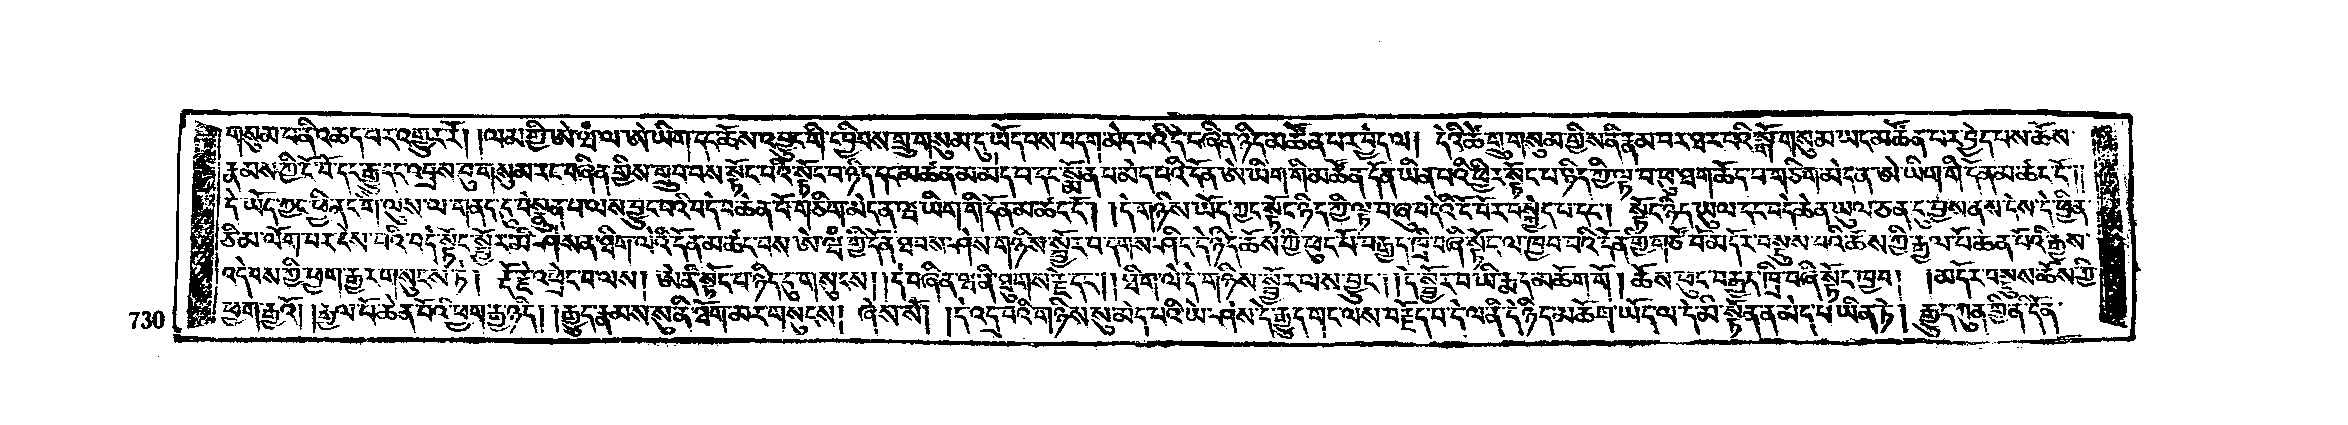གསུམ་པ་ནི་འཆད་པར་འགྱུར་རོ། །ལམ་གྱི་ཨེ་ཝཾ་ལ་ཨེ་ཡིག་དང་ཆོས་འབྱུང་གི་དབྱིབས་གྲུ་གསུམ་དུ་ཡོད་པས་བདག་མེད་པའི་དེ་བཞིན་ཉིད་མཚོན་པར་བྱེད་ལ། དེའི་ཚེ་གྲུ་གསུམ་གྱིས་ནི་རྣམ་པར་ཐར་པའི་སྒོ་གསུམ་ཡང་མཚོན་པར་བྱེད་པས་ཆོས་
རྣམས་ཀྱི་ངོ་བོ་དང་རྒྱུ་དང་འབྲས་བུ་གསུམ་རང་བཞིན་གྱིས་གྲུབ་པས་སྟོང་པའི་སྟོང་པ་ཉིད་དང་མཚན་མ་མེད་པ་དང་སྨོན་པ་མེད་པའི་དོན་ཨེ་ཡིག་གི་མཚོན་དོན་ཡིན་པའི་ཕྱིར་སྟོང་པ་ཉིད་ཀྱི་ལྟ་བ་ཕུ་ཐག་ཆོད་པ་གཅིག་མེད་ན་ཨེ་ཡིག་གི་དོན་མ་ཚང་ངོ། །
དེ་ཡོད་ཀྱང་ཕྱི་ནང་གི་ལུས་ལ་གནད་དུ་བསྣུན་པ་ལས་བྱུང་བའི་བདེ་བ་ཆེན་པོ་གཅིག་མེད་ན་ཝ་ཡིག་གི་དོན་མ་ཚང་ངོ། །དེ་གཉིས་ཡོད་ཀྱང་སྟོང་ཉིད་ཀྱི་ལྟ་བ་ཞུ་བདེའི་ངོ་བོར་བསྐྱེད་པ་དང་། སྟོང་ཉིད་ཡུལ་དང་བདེ་ཆེན་ཡུལ་ཅན་དུ་བྱས་ནས་དེས་དེ་ཕྱིན་
ཅི་མ་ལོག་པར་ངེས་པའི་བདེ་སྟོང་སྦྱོར་མི་ཤེས་ན་ཐིག་ལེའི་དོན་མ་ཚང་བས་ཨེ་ཝཾ་གྱི་དོན་ཐབས་ཤེས་གཉིས་སྦྱོར་བ་དགོས་ཤིང་དེ་ཉིད་ཆོས་ཀྱི་ཕུང་པོ་བརྒྱད་ཁྲི་བཞི་སྟོང་ལ་ཁྱབ་པའི་དོན་གྱི་གཙོ་བོ་མདོར་བསྡུས་པའི་ཆོས་ཀྱི་རྒྱལ་པོ་ཆེན་པོའི་རྒྱས་
འདེབས་ཀྱི་ཕྱག་རྒྱར་གསུངས་ཏེ། རྡོ་རྗེ་འཕྲེང་བ་ལས། ཨེ་ནི་སྟོང་པ་ཉིད་དུ་གསུངས། །དེ་བཞིན་ཝ་ནི་ཐུགས་རྗེ་དང་། །ཐིག་ལེ་དེ་གཉིས་སྦྱོར་ལས་བྱུང་། །དེ་སྦྱོར་བ་ཡི་རྨད་མཆོག་གོ། ཆོས་ཕུང་བརྒྱད་ཁྲི་བཞི་སྟོང་ཁྱབ། །མདོར་བསྡུས་ཆོས་ཀྱི་
ཕྱག་རྒྱའོ། །རྒྱལ་པོ་ཆེན་པོའི་ཕྱག་རྒྱ་ཉིད། །རྒྱུད་རྣམས་སུ་ནི་ཐོག་མར་གསུངས། ཞེས་སོ། །དེ་འདྲ་བའི་གཉིས་སུ་མེད་པའི་ཡེ་ཤེས་དེ་རྒྱུད་གང་ལས་བརྗོད་པ་དེ་ལ་ནི་དེ་ཉིད་མཆོག་ཡོད་ལ་དེ་མི་སྟོན་ན་མེད་པ་ཡིན་ཏེ། རྒྱུད་ཀུན་གྱི་ནི་དོན་